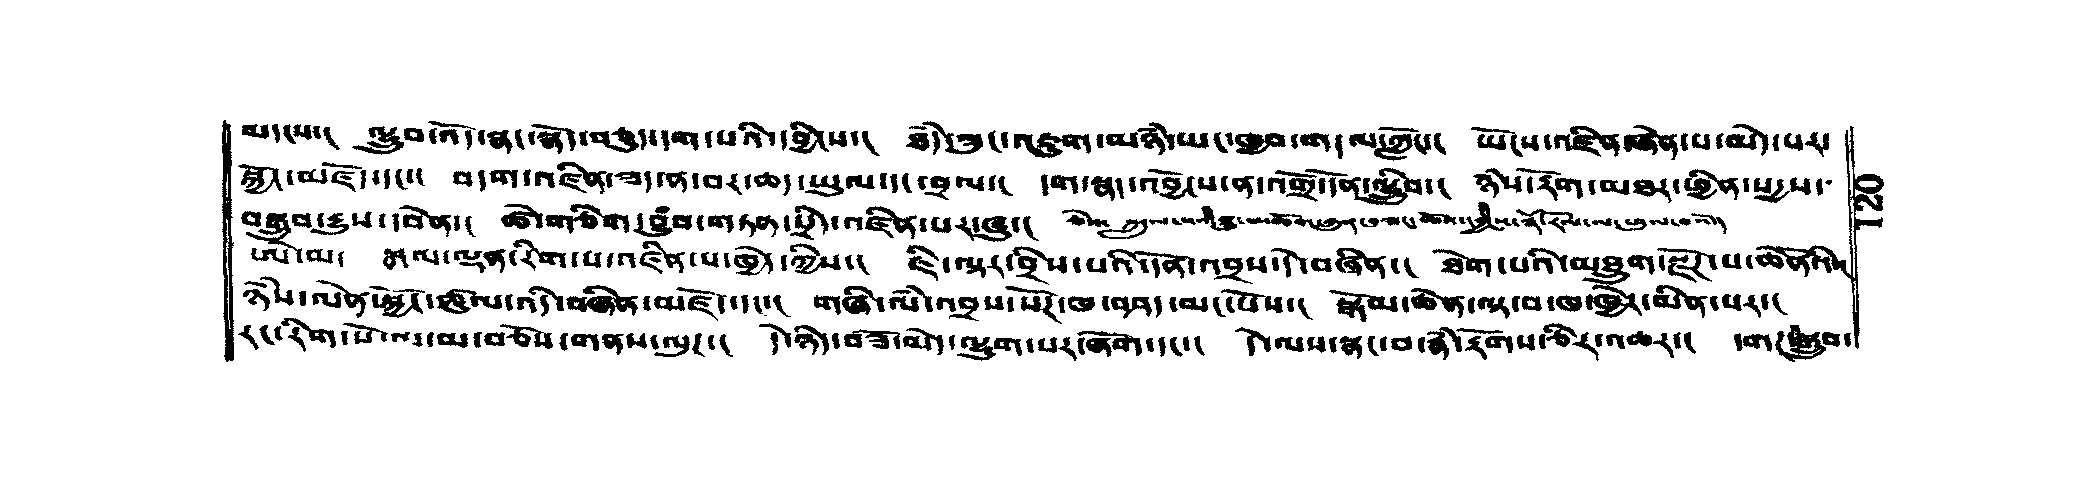མདངས། །ལྷུན་གྲུབ་འོད་སྣང་སྣོད་བཅུད་དག་པའི་དབྱིངས། །ཐམས་ཅད་ཟུང་འཇུག་མཉམ་ཡངས་ཁྱབ་གདལ་ཀློང་། ཡེངས་འཛིན་ཞེན་པ་མེད་པར་
སྐྱོང་མཛོད་དང་། །བདག་འཛིན་ཟད་ན་བར་ཆད་ཡུལ་དང་བྲལ། །དག་སྣང་འབྱོངས་ན་འགྲོ་དོན་ལྷུན་གྱིས་གྲུབ། །ཉམས་རྟོགས་མཐར་ཕྱིན་སངས་རྒྱས་
བསྒྲུབ་རྒྱུ་དབེན། །ཚེ་གཅིག་བྱང་ཆུབ་གཏན་སྲིད་འཛིན་པར་ཞུ། །ཞེས་སྤྲུལ་བའི་སྐུ་མཆོག་ཀུན་བཟང་ཆོས་དབྱིངས་རྣམ་རོལ་ལ་ཕུལ་བའོ།། 
ཨེ་མ། སྐལ་ལྡན་རིག་པ་འཛིན་པ་ཁྱེད་ཀྱིས། །ཇི་ལྟར་བྲིས་པའི་དོན་འབྲས་དེ་བཞིན། །ཐེག་པའི་མཐར་ཐུག་རྫོགས་པ་ཆེན་པོའི། །
ཉམས་ལེན་སྐྱོང་ཚུལ་འདི་བཞིན་མཛོད་དང་། །གཞི་ལམ་འབྲས་སོགས་ཁ་བཤད་མང་པོས། །སྒོམ་ཆེན་ལྟ་བ་ཁ་ཁྱེར་མིན་པར། །
རང་རིག་སོ་མ་མ་བཅོས་གནས་ལུགས། །དེ་ཉིད་བཟོ་མེད་ལྷུག་པར་ཞོག་དང་། །དེ་ལས་སྣང་བ་རྣམ་རྟོག་ཅིར་འཆར། །དགག་སྒྲུབ་